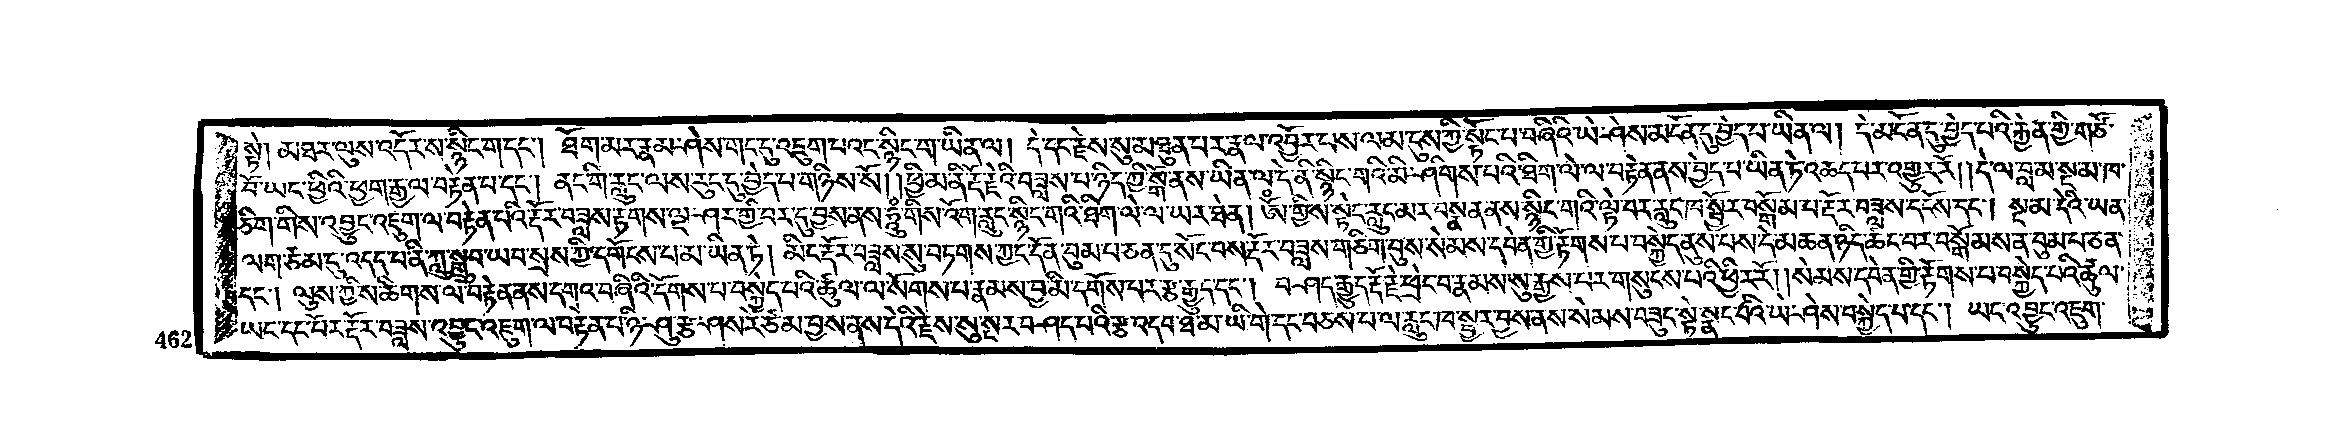སྟེ། མཐར་ལུས་འདོར་ས་སྙིང་ག་དང་། ཐོག་མར་རྣམ་ཤེས་གང་དུ་འཇུག་པའང་སྙིང་ག་ཡིན་ལ། དེ་དང་རྗེས་སུ་མཐུན་པར་རྣལ་འབྱོར་པས་ལམ་དུས་ཀྱི་སྟོང་པ་བཞིའི་ཡེ་ཤེས་མངོན་དུ་བྱེད་པ་ཡིན་ལ། དེ་མངོན་དུ་བྱེད་པའི་རྐྱེན་གྱི་གཙོ་
བོ་ཡང་ཕྱིའི་ཕྱག་རྒྱ་ལ་བརྟེན་པ་དང་། ནང་གི་རླུང་ལས་རུང་དུ་བྱེད་པ་གཉིས་སོ། །ཕྱི་མ་ནི་རྡོ་རྗེའི་བཟླས་པ་ཉིད་ཀྱི་སྒོ་ནས་ཡིན་ལ་དེ་ནི་སྙིང་གའི་མི་ཤིགས་པའི་ཐིག་ལེ་ལ་བརྟེན་ནས་བྱེད་པ་ཡིན་ཏེ་འཆད་པར་འགྱུར་རོ། །དེ་ལ་བླ་མ་སྔ་མ་ཁ་
ཅིག་གིས་འབྱུང་འཇུག་ལ་བརྟེན་པའི་རྡོར་བཟླས་རྟགས་ལྔ་ཤར་གྱི་བར་དུ་བྱས་ནས་ཧཱུཾ་གིས་འོག་རླུང་སྙིང་གའི་ཐིག་ལེ་ལ་ཡར་ཐེན། ཨོཾ་གྱིས་སྟེང་རླུང་མར་བསྣན་ནས་སྙིང་གའི་ལྟེ་བར་རླུང་ཁ་སྦྱོར་བསྒོམ་པ་རྡོར་བཟླས་དངོས་དང་། སྔ་མ་དེའི་ཡན་
ལག་ཙམ་དུ་འདད་པ་ནི་ཀླུ་སྒྲུབ་ཡབ་སྲས་ཀྱི་དགོངས་པ་མ་ཡིན་ཏེ། མིང་རྡོར་བཟླས་སུ་བཏགས་ཀྱང་དོན་བུམ་པ་ཅན་དུ་སོང་བས་རྡོར་བཟླས་གཅིག་པུས་སེམས་དབེན་གྱི་རྟོགས་པ་བསྐྱེད་ནུས་པས་དེ་མཚན་ཉིད་ཚང་བར་བསྒོམས་ན་བུམ་པ་ཅན་
དང་། ལུས་ཀྱིས་ཚིགས་ལ་བརྟེན་ནས་དགའ་བཞིའི་དོགས་པ་བསྐྱེད་པའི་ཚུལ་ལ་སོགས་པ་རྣམས་བྱ་མི་དགོས་པར་རྩ་རྒྱུད་དང་། བཤད་རྒྱུད་རྡོ་རྗེ་ཕྲེང་བ་རྣམས་སུ་རྒྱས་པར་གསུངས་པའི་ཕྱིར་རོ། །སེམས་དབེན་གྱི་རྟོགས་པ་བསྐྱེད་པའི་ཚུལ་
ཡང་དང་པོར་རྡོར་བཟླས་འབྱུང་འཇུག་ལ་བརྟེན་པ་ཉི་ཤུ་རྩ་ཤས་རེ་ཙམ་བྱས་ནས་དེའི་རྗེས་སུ་སྔར་བཤད་པའི་རྩ་འདབ་ཐ་མ་ཡི་གེ་དང་བཅས་པ་ལ་རླུང་ཁ་སྦྱར་བྱས་ནས་སེམས་བཟུང་སྟེ་སྣང་བའི་ཡེ་ཤེས་བསྐྱེད་པ་དང་། ཡང་འབྱུང་འཇུག་